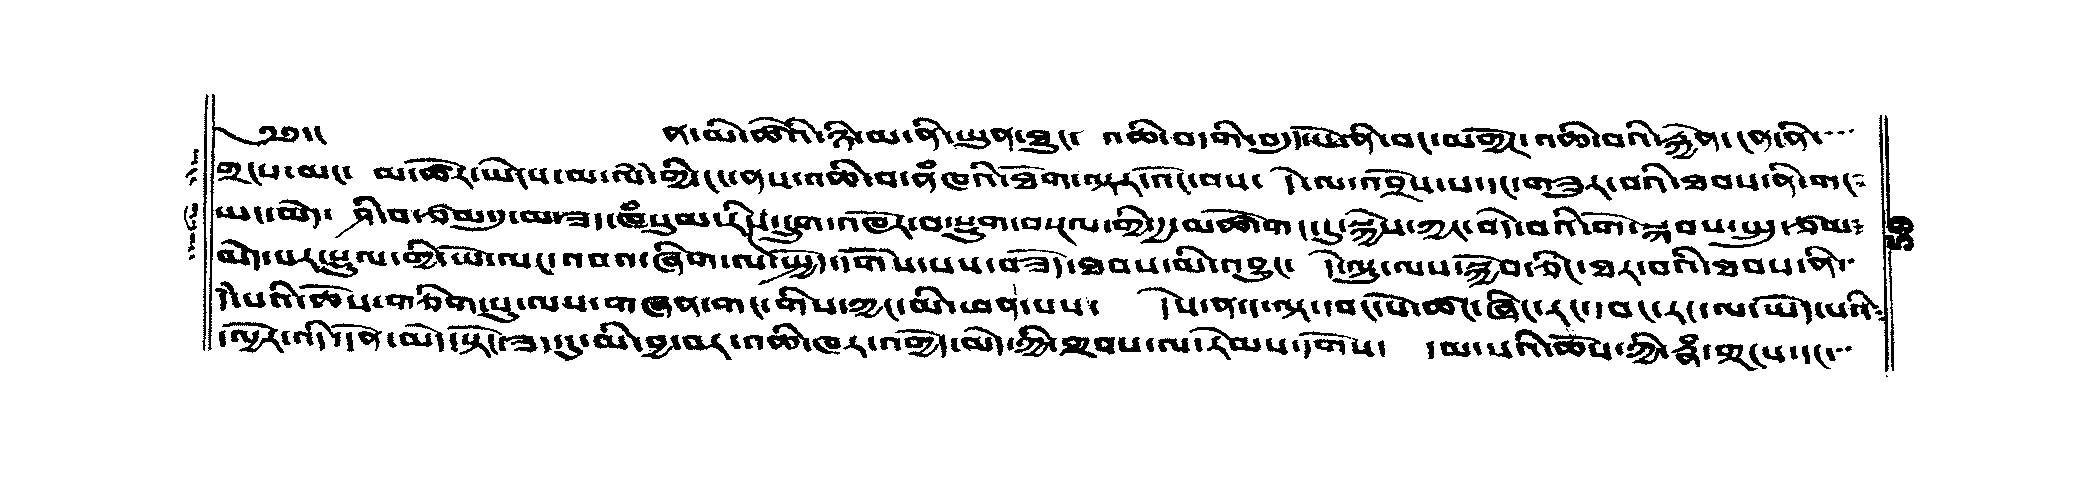ན་ཚེའི་ཉི་མ་ནི་ཡུན་ཐུང་། འཆི་བདག་གི་བདག་པོ་ནི་དབང་མགྱོགས། འཆི་བའི་རྐྱེན་ངན་ནི་
གྲངས་མང་། མཚོར་ཡེངས་མ་ལམ་གྱི་ངང་ནས་འཆི་བ་ནམ་མཁའི་ཐོག་ལྟར་འོང་བས། དེ་ལ་འབྲོས་པ་དང་གཟུར་བའི་ཐབས་ནི་གང་
ཡང་མེད། ཤི་བ་ཙམ་དུ་མ་ཟད་ཁམས་གསུམ་རིས་དྲུག་འཁོར་བ་སྡུག་བསྔལ་གྱི་རྒྱ་མཚོ་གང་དུ་སྐྱེས་ཀྱང་བདེ་བའི་གོ་སྐབས་སྤུ་ཙམ་
མེད་པར་སྡུག་བསྔལ་གྱི་ཡོ་ལང་འབའ་ཞིག་ལ་སྤྱོད་དགོས་པས་བཟོད་ཐབས་མི་འབྱུང་། དེ་ལྟ་བུ་ལས་སྐྱོབ་ཅིང་ཐར་བའི་ཐབས་ནི་
དམ་པའི་ཆོས་གཅིག་པུ་ལས་གཞན་གང་གིས་ཀྱང་མི་ཕན་པས། དེས་ན་ད་ལྟ་དབང་པོ་ཚང་ཞིང་རང་དབང་རང་ལ་ཡོད་པའི་
དལ་འབྱོར་དོན་མེད་སྟོང་ཟད་དུ་མི་བྱ་བར་འཆི་ཁར་འགྱོད་མེད་གྲབས་ལ་རེམས་དགོས། དམ་པའི་ཆོས་ཀྱི་རྣམ་གྲངས་དང་